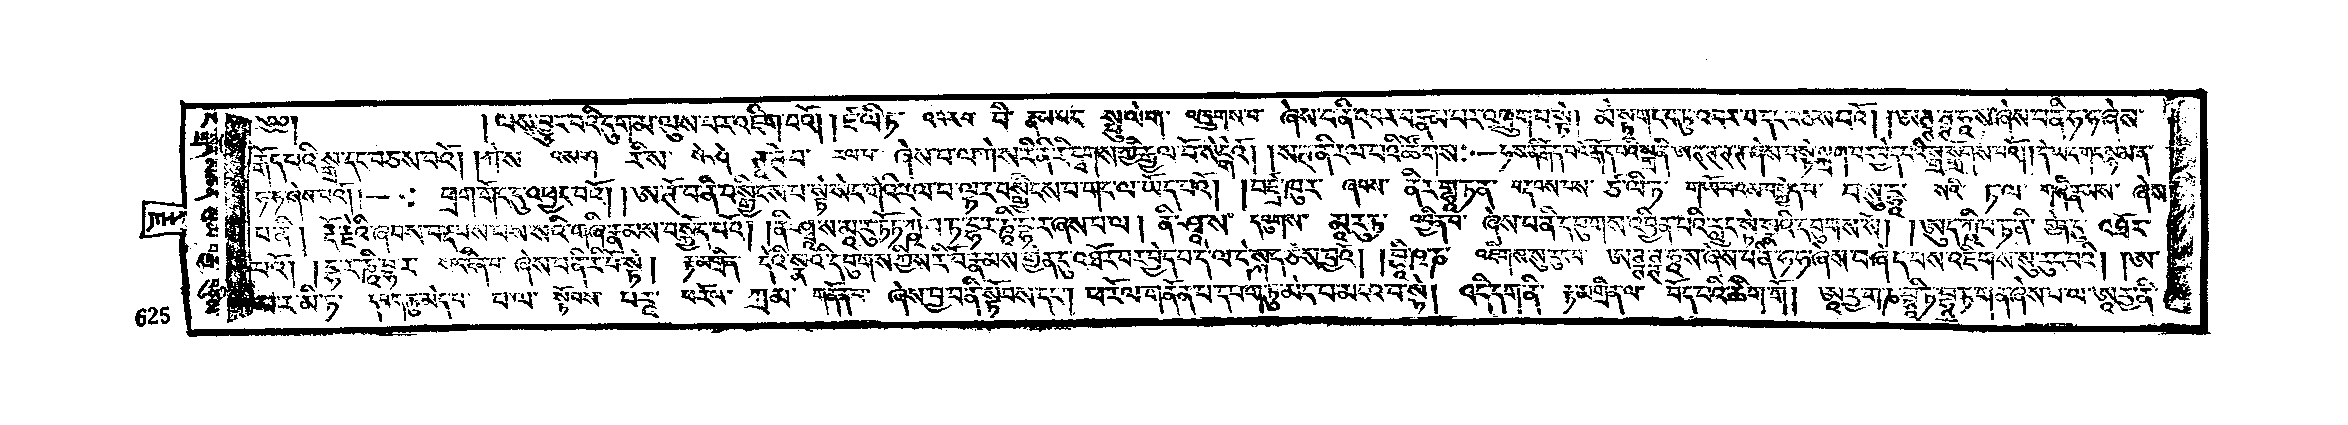༄༅། །ལས་བྱུང་བའི་དུག་མ་ལུས་པར་འཇིག་པའོ། །ཛ་ལི་ཏ་འབར་བ་བི་རྣམ་པར་སྤུ་ལེག་འཁྲུགས་པ་ཞེས་པ་ནི་འབར་བ་རྣམ་པར་འཁྲུག་པ་སྟེ། མེ་སྟག་རབ་ཏུ་འབར་བ་དང་བཅས་པའོ། །ཨཊྚ་ཊྚ་ཧཱས་ཞེས་པ་ནི་ཧ་ཧ་ཞེས་
རྒོད་པའི་སྒྲ་དང་བཅས་པའོ། །ཀེ་ས་འམ་ཤ་རི་ས་སེང་གེ་ཊཱ་ཊེ་བ་རལ་པ་ཞེས་པ་ལ་ཀེ་ས་རི་ནི་རི་དྭགས་ཀྱི་རྒྱལ་པོ་སེངྒེའོ། །ས་ཊ་ནི་རལ་པའི་ཚོགས་H.་ཧ་ས་ནི་རྒོད་པའོ་རྒོད་པའི་སྒྲ་ནི་ཨ་ཊ་ཊ་ཊ་ཊ་ཞེས་པ་སྟེ་སྐྲག་པར་བྱེད་པའི་སྒྲ་སྒྲོགས་པའོ། །དེ་ཡང་གང་སྙམ་ན་
ཧ་ཧ་ཞེས་པའོ།། .H ཕྲག་གོང་དུ་འཕྱང་བའོ། །ཨ་ཊོ་བ་ནི་བསྒྱིངས་པ་སྟེ་སེང་གེའི་རལ་པ་ལྟར་བསྒྱིངས་པ་གང་ལ་ཡོད་པའོ། །བཛྲ་ཁུར་ཞབས་ནི་ར་གྷཱ་ཏ་ན་བརྡབས་པས་ཙ་ལི་ཏ་གཡོ་བའམ་བསྐྱེད་པ་བ་སུ་དྷཱ་སའི་ཏ་ལ་གཞི་རྣམས་ཞེས་
པ་ནི། རྡོ་རྗེའི་ཞབས་བརྡབས་པས་སའི་གཞི་རྣམས་བསྐྱོད་པའོ། །ནི་ཤྭཱ་ས་མཱ་རུ་ཏོ་ཏ་ཀྵི་པ་ཏ་དྷ་ར་ཞེས་པ་ལ། ནི་ཤྭཱ་ས་དབུགས་མཱ་རུ་ཏ་འབྱིན་པ་ཞེས་པ་ནི་དབུགས་འབྱིན་པའི་རླུང་སྟེ་སྣའི་དབུགས་སོ། །ཨུད་ཀྵི་པ་ཏ་ནི་གྱེན་དུ་འཐོར་
པའོ། །དྷ་ར་ཎཱི་བྷ་ར་ས་འཛིན་པ་ཞེས་པ་ནི་རི་བོ་སྟེ། རྟ་མགྲིན་དེའི་སྣའི་དབུགས་ཀྱིས་རི་བོ་རྣམས་གྱེན་དུ་འཐོར་བར་བྱེད་པ་དེ་ལ་དེ་སྐད་ཅེས་བྱའོ། །བྷའི་ཥ་ཎ་འཇིགས་སུ་རུང་བ་ཨ་ཊྚ་ཊྚ་ཧཱས་ཞེས་པ་ནི་ཧ་ཧ་ཞེས་བཞེད་པས་འཇིགས་སུ་རུང་བའོ། །ཨ་
པ་ར་མི་ཏ་དཔག་ཏུ་མེད་པ་པ་ལ་སྟོབས་པ་རཱ་ཕ་རོལ་ཀྲ་མ་གནོན་པ་ཞེས་བྱ་བ་ནི་སྟོབས་དང་། ཕ་རོལ་གནོན་པ་དཔག་ཏུ་མེད་པ་མངའ་བ་སྟེ། འདི་དག་ནི་རྟ་མགྲིན་ལ་བོད་པའི་ཚིག་གོ ། ཨཱརྱ་ག་ཎ་བྷཱི་ཏི་བྷཱ་ཏ་གོན་ཞེས་པ་ལ་ཨཱརྱ་ནི་